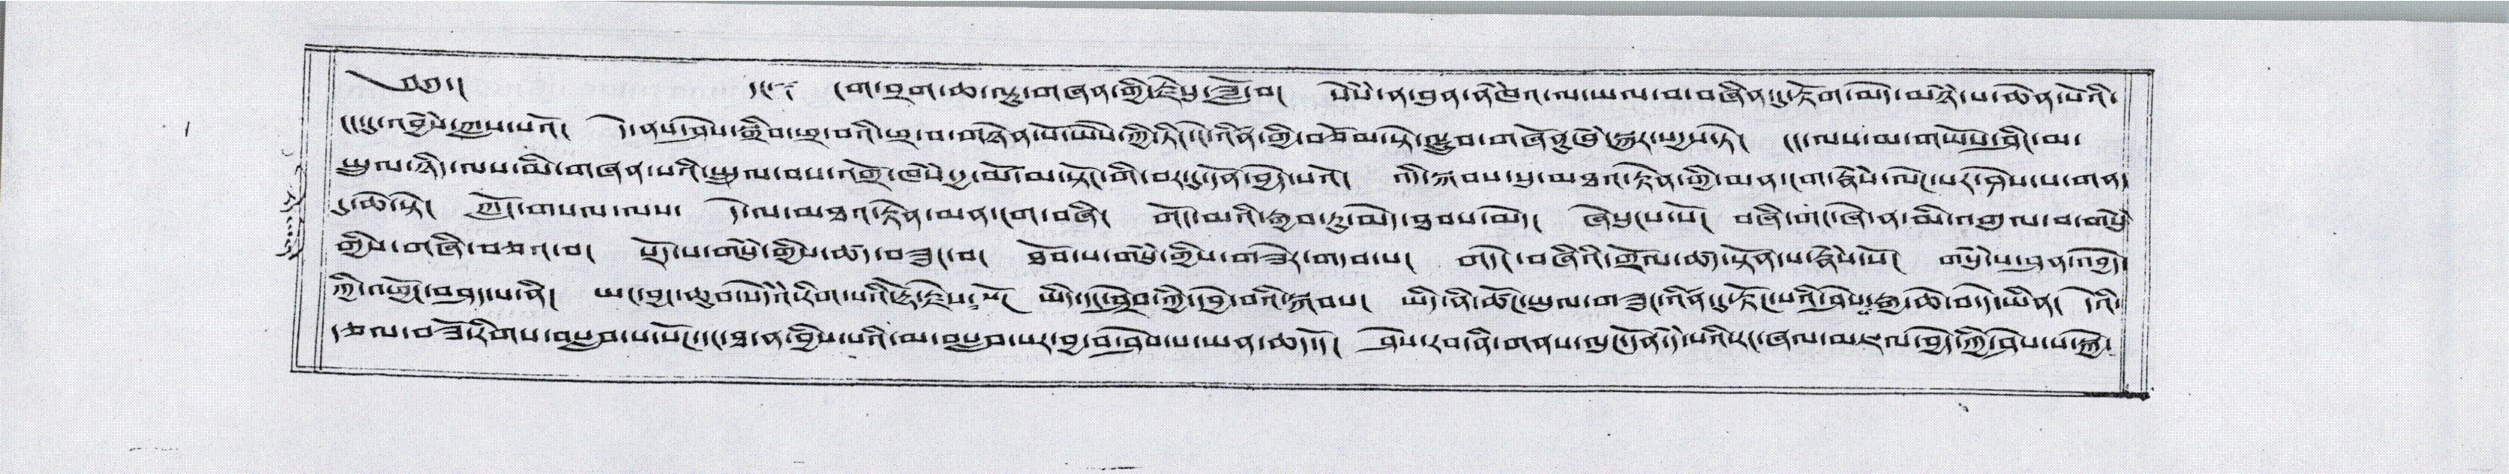དང་། ངག་བྲག་ཆ་ལྟ་བུ་གཞན་གྱི་རྗེས་ཟློ་བ། སེམས་ན་བུན་ནམ་མཁའ་ལ་ཡལ་བ་ལྟ་བུ་རྟོག་མེད་མཉམ་པ་ཆེན་པོའི་
ངང་དུ་འབྱམས་ཀླས་པའོ། དེ་ནས་ཤེས་སྒྲིབ་ཕྲ་བའི་ཕྲ་བ་གཉེན་པོ་ཡེ་ཤེས་ཀྱི་ཏིང་ངེ་འཛིན་གྱིས་བཅོམ་སྟེ་ལྷུན་གྲུབ་གཞོན་ནུ་བུམ་སྐུར་སངས་རྒྱས་ཏེ། ངང་ལས་མ་གཡོས་ཤིང་མ་
སྤྲུལ་ཉིད་ལས་མི་གཞན་པའི་སྤྲུལ་པ་འགྲོ་ཁམས་རྒྱ་མཚོ་མ་སྟོང་གི་བར་དུ་སངས་རྒྱས་པའོ། འདི་སྐབས་སུ་མཐའ་རྟེན་གྱི་མན་ངག་རྣམས་ལེགས་པར་ཤེས་པ་གནད་
ཤིན་ཏུ་ཆེ་སྟེ། ཀློང་གསལ་ལས། དེ་ལ་མཐའ་རྟེན་མན་ངག་བཞི། གོང་མའི་རྒྱབ་ཏུ་མེད་ཐབས་མེད། ཅེས་གསུངས་སོ། བཞི་གང་ཞེ་ན། མི་འགུལ་བ་གསུམ་
གྱིས་གཞི་བཅའ་བ། སྡོད་པ་གསུམ་གྱིས་ཚད་བཟུང་བ། ཐོབ་པ་གསུམ་གྱིས་གཟེར་གདབ་པ། གདེང་བཞིའི་གྲོལ་ཚད་སྟོན་པ་རྣམས་སོ། གསུམ་པ་ཤན་འབྱེད་
ཀྱི་འཕྱོང་བཤད་པ་ནི། ཡང་བྱང་ཆུབ་སེམས་དཔའི་རིག་པའི་རྡོ་རྗེས་སོ། ཡིད་དང་ཤེས་རབ་ཀྱི་དབྱེ་བའི་སྐབས། ཡིད་ནི་ཚོགས་ཡུལ་གཟུང་འཛིན་གྱི་ཤེས་པ་རྒྱ་ཆེ་བ་དེ་ཡིན། དེའི་
རྩལ་བཟོ་རིག་བསླབ་པ་སོགས་དང་། ཐ་ན་བྱིས་པས་མ་བསླབས་པར་བྱ་བ་ཤེས་པ་ཡན་ཆད་དོ། ཤེས་རབ་ནི་གནས་ལུགས་དོན་དམ་པའི་རང་ཞལ་མཇལ་བྱེད་ཀྱི་ཤེས་པ་སྐྱེ་